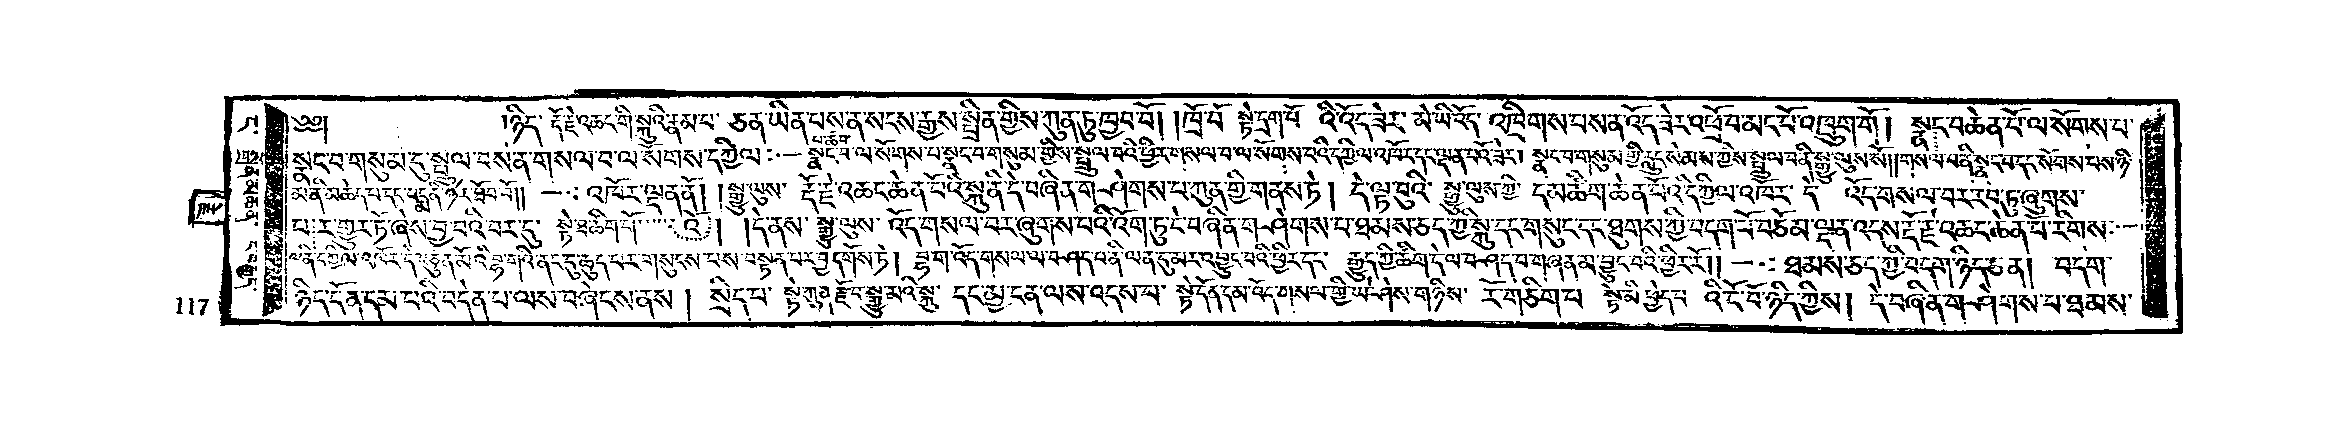༄༅། །ཉིད་རྡོ་རྗེ་འཚང་གི་སྐུའི་རྣམ་པ་ཅན་ཡིན་པས་ན་སངས་རྒྱས་སྤྲིན་གྱིས་ཀུན་ཏུ་ཁྱབ་བོ། །ཁྲོ་བོ་སྟེ་དྲག་པོའི་འོད་ཟེར་མེ་ཡི་འོད་འཁྲིགས་བས་ན་འོད་ཟེར་འཕྲོ་བ་མང་པོ་འཁྲུག་གོ །སྣང་བ་ཆེན་པོ་ལ་སོགས་པ་
སྣང་བ་གསུམ་དུ་སྤྲུལ་བས་ན་གསལ་བ་ལ་སོགས་དཀྱིལ་པ་ཚབ་སྣང་བ་ལ་སོགས་པ་སྣང་བ་གསུམ་གྱིས་སྤྲུལ་བའི་ཕྱིར་གསལ་བ་ལ་སོགས་པའི་དཀྱིལ་འཁོར་དང་ལྡན་པའོ་ཟེར། སྣང་བ་གསུམ་གྱི་རླུང་སེམས་ཀྱིས་སྤྲུལ་བ་ནི་སྒྱུ་ལུས་སོ། །གསལ་བ་ནི་སྣང་བ་དང་སོགས་པས་ཉི་
མ་ནི་མཆེད་པ་དང་པདམ་ནི་ཉེར་ཐོབ་བོ།། འཁོར་ལྡན་ནོ། །སྒྱུ་ལུས་རྡོ་རྗེ་འཆང་ཆེན་པོའི་སྐུ་ནི་དེ་བཞིན་གཤེགས་པ་ཀུན་གྱི་གནས་ཏེ། དེ་ལྟ་བུའི་སྒྱུ་ལུས་ཀྱི་དམ་ཚིག་ཆེན་པོའི་དཀྱིལ་འཁོར་དེ་འོད་གསལ་བར་རབ་ཏུ་ཞུགས་
པར་གྱུར་ཏོ་ཞེས་བྱ་བའི་བར་དུ་སྟེ་ཐ་ཚིག་གོ་འོ། །དེ་ནས་སྒྱུ་ལུས་འོད་གསལ་བར་ཞུགས་པའི་འོག་ཏུ་དེ་བཞིན་གཤེགས་པ་ཐམས་ཅད་ཀྱི་སྐུ་དང་གསུང་དང་ཐུགས་ཀྱི་བདག་པོ་བཅོམ་ལྡན་འདས་རྡོ་རྗེ་འཆང་ཆེན་པོ་རིགས་
༈ནི་དཀྱིལ་འཁོར་དེ་བཙུན་མོའི་བྷ་གའི་ནང་དུ་ཆུད་པར་གསུངས་པས་བསྟན་པར་བྱ་དགོས་ཏེ། བྷ་ག་འོད་གསལ་ལ་བཤད་པ་ནི་ལན་དུ་མར་འབྱུང་བའི་ཕྱིར་དང་རྒྱུད་ཀྱི་ཚིག་དེ་ལ་བཤད་པ་གཞན་མ་བྱུང་བའི་ཕྱིར་རོ།།  ཐམས་ཅད་ཀྱི་བདག་ཉིད་ཅན། བདག་
ཉིད་དོན་དམ་པའི་བདེན་པ་ལས་བཞེངས་ནས། སྲིད་པ་སྟེ་ཀུན་རྫོབ་སྒྱུ་མའི་སྐུ་དང་མྱ་ངན་ལས་འདས་པ་སྟེ་དོན་དམ་འོད་གསལ་གྱི་ཡེ་ཤེས་གཉིས་རོ་གཅིག་པ་སྟེ་མི་ཕྱེད་པའི་ངོ་བོ་ཉིད་ཀྱིས། དེ་བཞིན་གཤེགས་པ་ཐམས་